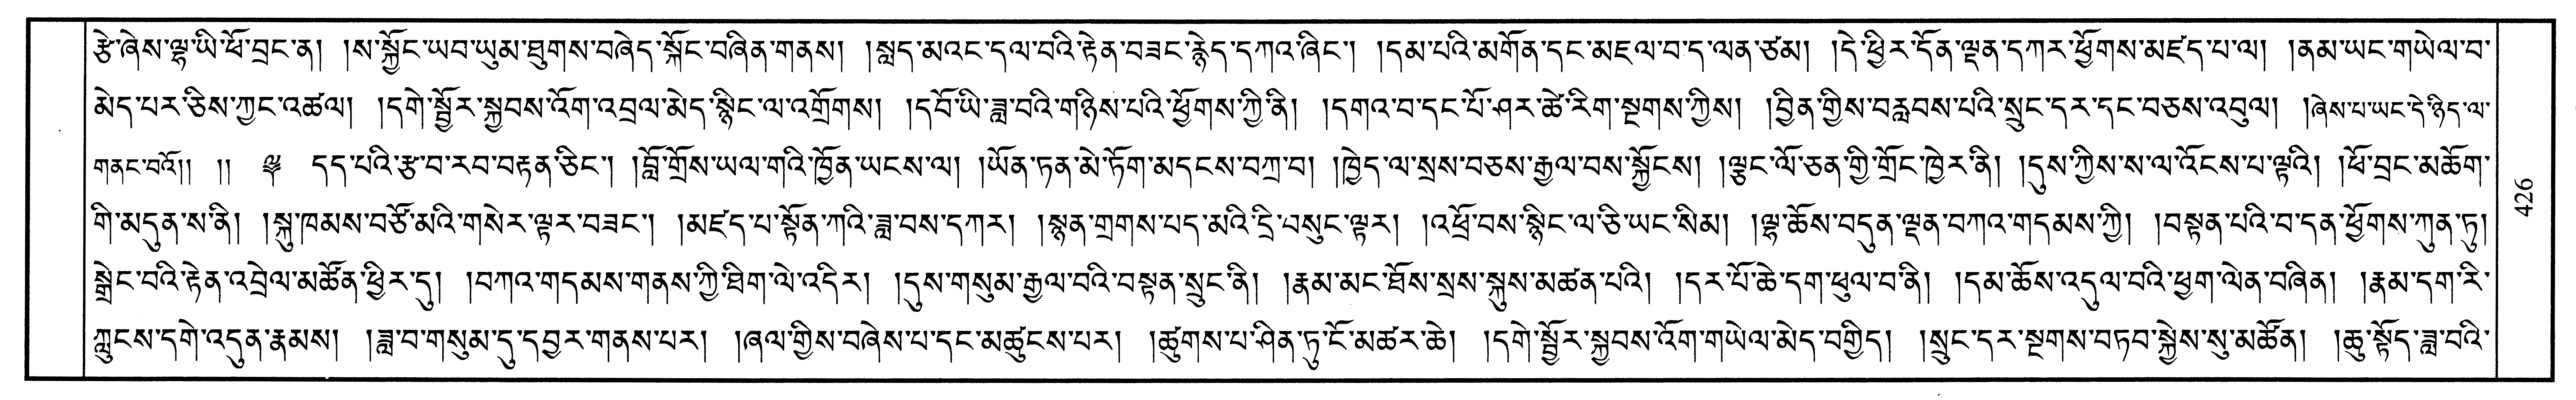རྩེས་ཞེས་ལྷ་ཡི་ཕོ་བྲང་ན། །ས་སྐྱོང་ཡབ་ཡུམ་ཐུགས་བཞེད་སྐོང་བཞིན་གནས། །སླད་མའང་དལ་བའི་རྟེན་བཟང་རྙེད་དཀའ་ཞིང་། །དམ་པའི་མགོན་དང་མཇལ་བ་ད་ལན་ཙམ། །དེ་ཕྱིར་དོན་ལྡན་དཀར་ཕྱོགས་མཛད་པ་ལ། །ནམ་ཡང་གཡེལ་བ་
མེད་པར་ཅིས་ཀྱང་འཚལ། །དགེ་སྦྱོར་སྐྱབས་འོག་འབྲལ་མེད་སྙིང་ལ་འགྲོགས། །དབོ་ཡི་ཟླ་བའི་གཉིས་པའི་ཕྱོགས་ཀྱི་ནི། །དགའ་བ་དང་པོ་ཤར་ཚེ་རིག་སྔགས་ཀྱིས། །བྱིན་གྱིས་བརླབས་པའི་སྲུང་དར་དང་བཅས་འབུལ། །ཞེས་པ་ཡང་དེ་ཉིད་ལ་
གནང་བའོ།། །། ༈ དད་པའི་རྩ་བ་རབ་བརྟན་ཅིང་། །བློ་གྲོས་ཡལ་གའི་ཁྱོན་ཡངས་ལ། །ཡོན་ཏན་མེ་ཏོག་མདངས་བཀྲ་བ། །ཁྱེད་ལ་སྲས་བཅས་རྒྱལ་བས་སྐྱོངས། །ལྕང་ལོ་ཅན་གྱི་གྲོང་ཁྱེར་ནི། །དུས་ཀྱིས་ས་ལ་འོངས་པ་ལྟའི། །ཕོ་བྲང་མཆོག་
གི་མདུན་ས་ནི། །སྐུ་ཁམས་བཙོ་མའི་གསེར་ལྟར་བཟང་། །མཛད་པ་སྟོན་ཀའི་ཟླ་བས་དཀར། །སྙན་གྲགས་པད་མའི་དྲི་བསུང་ལྟར། །འཕྲོ་བས་སྙིང་ལ་ཅི་ཡང་སིམ། །ལྷ་ཆོས་བདུན་ལྡན་བཀའ་གདམས་ཀྱི། །བསྟན་པའི་བ་དན་ཕྱོགས་ཀུན་ཏུ།
སྒྲེང་བའི་རྟེན་འབྲེལ་མཚོན་ཕྱིར་དུ། །བཀའ་གདམས་གནས་ཀྱི་ཐིག་ལེ་འདིར། །དུས་གསུམ་རྒྱལ་བའི་བསྟན་སྲུང་ནི། །རྣམ་མང་ཐོས་སྲས་སྐུས་མཚན་པའི། །དར་པོ་ཆེ་དག་ཕུལ་བ་ནི། །དམ་ཆོས་འདུལ་བའི་ཕྱག་ལེན་བཞིན། །རྣམ་དག་རི་
ཀླུངས་དགེ་འདུན་རྣམས། །ཟླ་བ་གསུམ་དུ་དབྱར་གནས་པར། །ཞལ་གྱིས་བཞེས་པ་དང་མཚུངས་པར། །ཚུགས་པ་ཤིན་ཏུ་ངོ་མཚར་ཆེ། །དགེ་སྦྱོར་སྐྱབས་འོག་གཡེལ་མེད་བགྱིད། །སྲུང་དར་སྔགས་བཏབ་སྐྱེས་སུ་མཚོན། །ཆུ་སྟོད་ཟླ་བའི་